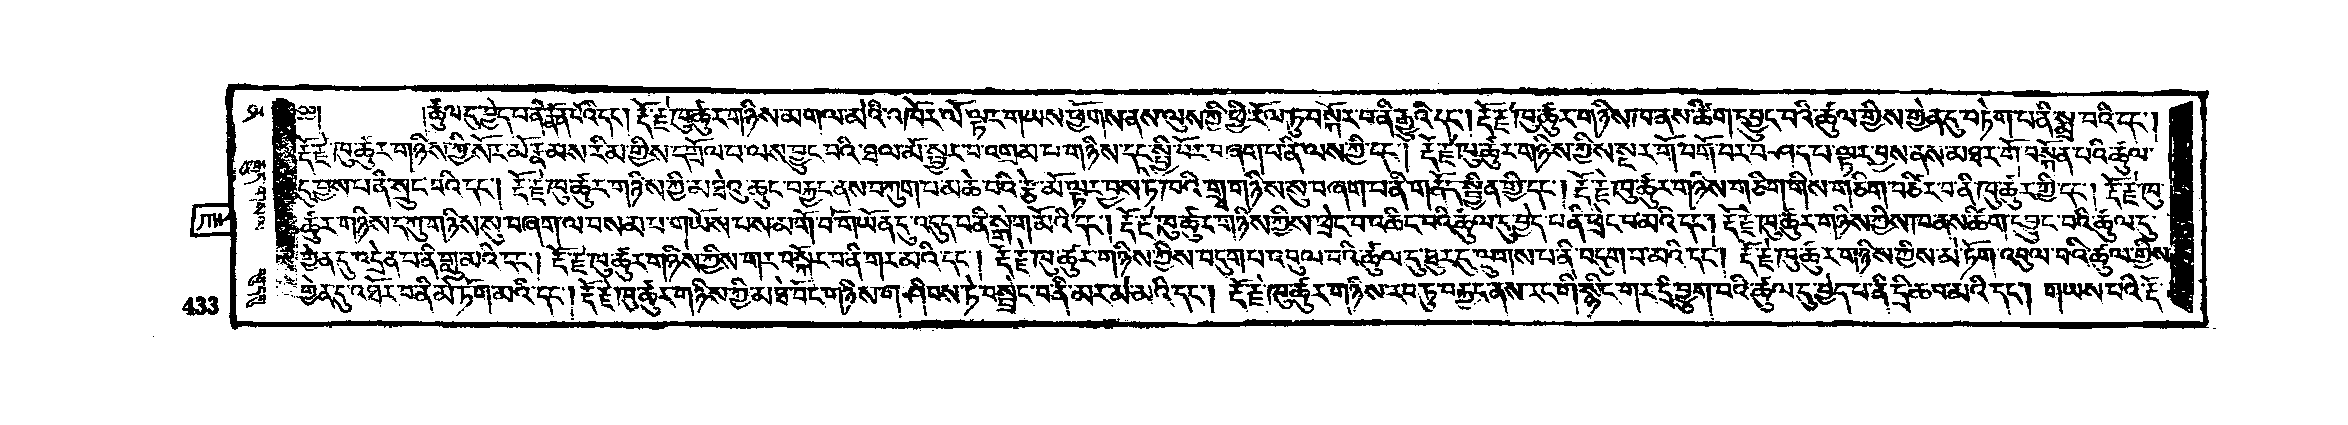༄༅། །ཚུལ་དུ་བྱེད་པ་ནི་རྣོན་པོའི་དང་། རྡོ་རྗེ་ཁུ་ཚུར་གཉིས་མགལ་མེའི་འཁོར་ལོ་ལྟར་གཡས་ཕྱོགས་ནས་ལུས་ཀྱི་ཕྱི་རོལ་ཏུ་བསྐོར་བ་ནི་རྒྱུའི་དང་། རྡོ་རྗེ་ཁུ་ཚུར་གཉིས་ཁ་ནས་ཚིག་དབྱུང་བའི་ཚུལ་གྱིས་གྱེན་དུ་བཏེག་པ་ནི་སྨྲ་བའི་དང་།
རྡོ་རྗེ་ཁུ་ཚུར་གཉིས་ཀྱི་སོར་མོ་རྣམས་རིམ་གྱིས་དགྲོལ་བ་ལས་བྱུང་བའི་ཐལ་མོ་སྦྱར་བ་འགྲམ་པ་གཉིས་དང་སྤྱི་བོར་བཞག་པ་ནི་ལས་ཀྱི་དང་། རྡོ་རྗེ་ཁུ་ཚུར་གཉིས་ཀྱིས་སྔར་གོ་བགོ་བར་བཤད་པ་ལྟར་བྱས་ནས་མཐར་གོ་བསྐོན་པའི་ཚུལ་
དུ་བྱས་པ་ནི་སྲུང་བའི་དང་། རྡོ་རྗེ་ཁུ་ཚུར་གཉིས་ཀྱི་མཐེའུ་ཆུང་བརྐྱང་ནས་བཀུག་པ་མཆེ་བའི་རྩེ་མོ་ལྟར་བྱས་ཏེ་ཁའི་གྲྭ་གཉིq་q་བ྾ག་པ་ནི་གནོཕ༹ ༩&